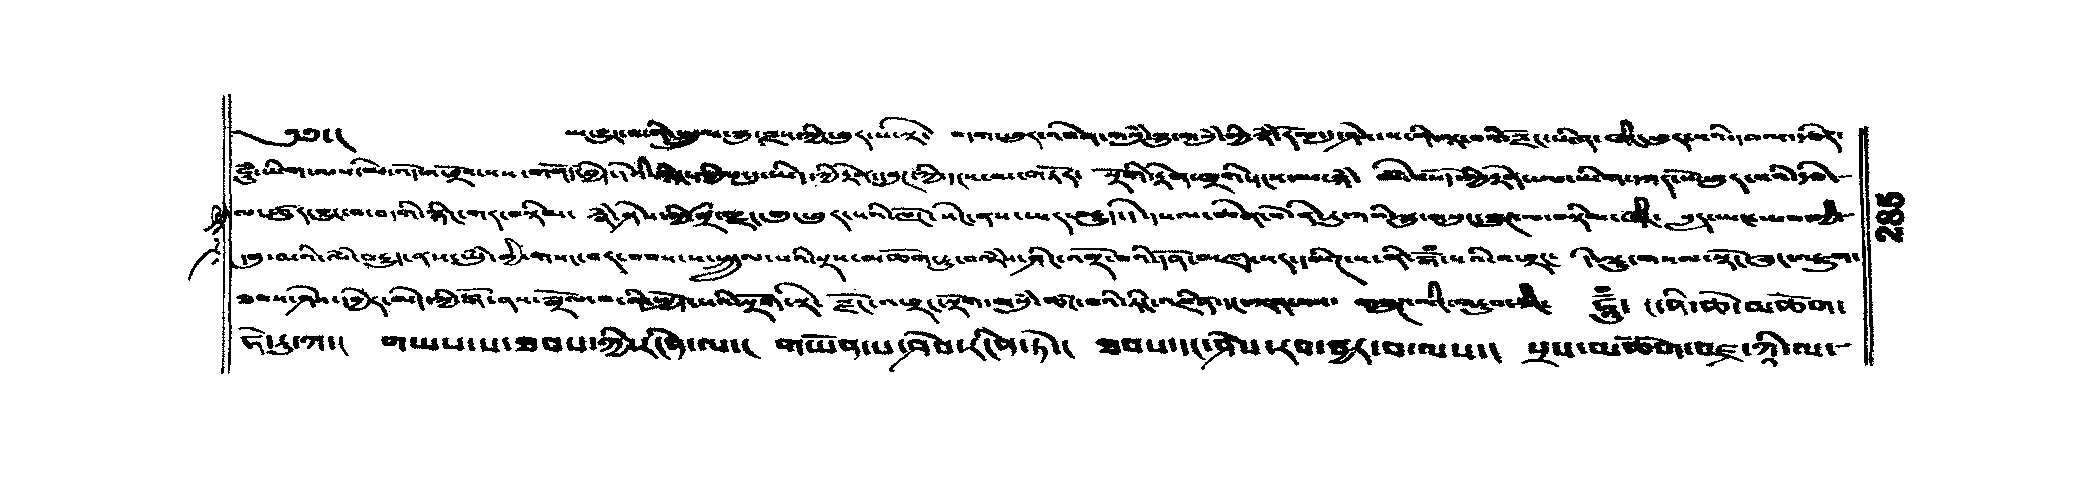པ་བྱུང་བ་ནི་སྤྲུལ་སྐུ་རྫས་ཀྱི་ཕུར་པ་སྟེ། བདག་ཕུར་དབེན་གསུམ་སྐུ་གསུམ་གྱི་རྣམ་རོལ་དུ་ཤེས་པ་ནི་ལྟ་བའི་རྫོང་ཡིན་ཞིངཕུར་པའི་དབལ་རྩེར་
ཧཱུྃ་ཡིག་ལས་མེ་འོད་འཕྲོས་གནོད་བྱེད་དེའི་སྙིང་དཀྱིལ་དུ་ཡིད་ཀྱི་རྟེན་དབུགས་ཀྱི་དངས་མ་གཏོར། སྲོག་གི་རྟེན་ཁྲག་གི་དངས་མ་སྐམ། ཚེ་བསོད་ཀྱི་རྟེན་ཨ་ཡིག་དཀར་པོ་ཕུར་པའི་རྩེ་
ལ་ཚུར་བྱུང་བ་བདག་གི་སྙིང་གར་བསྟིམ། རྣམ་ཤེས་ཀྱི་ནྲྀ་ལྗང་གུ་ཕུར་པའི་ཁོང་སེང་ནས་ཡར་བརྒྱུད་དཻ་དཔལ་ཆེན་པོ་ཧེ་རུ་ཀའི་སྐུ་གསུང་ཐུགས་ལ་བསྟིམ་ཞིང་། སླར་ཡང་ཡབ་ཀྱི་
དབུ་མའི་ལམ་བརྒྱུད་ནས་ཡུམ་གྱི་གསང་བར་བབས་པ་སྤྲུལ་བའི་སྲས་མཆོག་ཏུ་བལྟམས་ཤིང་ཤིང་འགྲོ་བའི་དོན་མཛད་པར་དམིགས་པ་ནི་སྒོམ་པའི་འཕྲང་། དེ་ལྟ་བུ་གསལ་སྟོང་ཟུང་འཇུག་
ཐབས་ཤེས་དབྱེར་མེད་ཀྱི་སྒོ་ནས་སྒྲོལ་བ་ནི་སྤྱོད་པའི་སྲོག་སྟེ། རྫོང་འཕྲང་སྲོག་གསུམ་ཚང་བའི་ཏིང་འཛིན་དང་ལྡན་པས། གཟུགས་ལིང་གཏུབ་ཅིང་། ཧཱུྃ། ང་ནི་ཆེ་མཆོག་
ཧེ་རུ་ཀ། །གཡས་པ་ཐབས་ཀྱི་རང་བཞིན་ལ། །གཡོན་པ་ཤེས་རབ་རང་བཞིན་ཏེ། །ཐབས་དང་ཤེས་རབ་སྦྱར་བ་ལས། །སྲས་མཆོག་བཛྲ་ཀཱི་ལ་